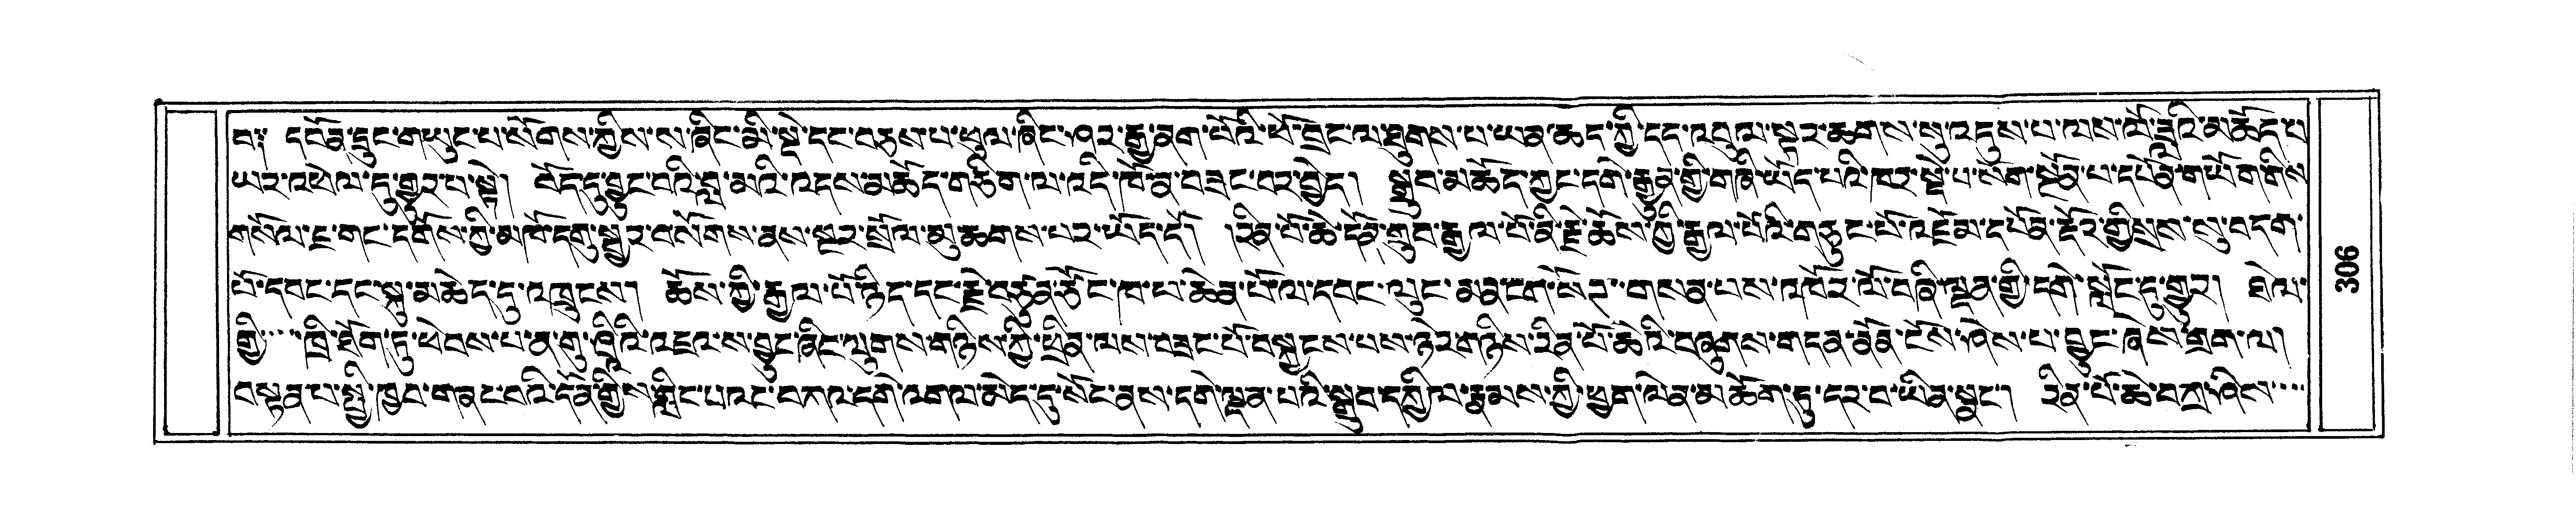བ༑ དབོན་དྲུང་གཡུང་པ་སོགས་ཀྱིས་ས་ཞིང་མི་སྡེ་དང་བཅས་པ་ཕུལ་ཞིང་ཤར་རྒྱ་ནག་པོའི་ཕོ་བྲང་ལ་ཐུགས་པ་ཡན་ཆད་ཀྱི་དད་འབུལ་སྟར་ཆགས་སུ་འདུས་པ་ལས་ལོ་ཟླའོ་མཆོད་པ་
ཡར་འཕེལ་དུ་གྱུར་པ་སྟེ། བོད་དུ་བྱུང་བའི་བླ་མའི་འདས་མཆོད་གཅིག་ལ་འདི་ཁོ་ན་བཟང་བར་བྱེད། སྒྲུབ་མཆོད་ཀྱང་དགེ་རྒྱུན་གྱི་གཞི་ཡོད་པའི་ཁར་སྡེ་པ་སོག་སྔོན་པ་དཔོན་གཡོག་གིས་
ཕ༹གསོལ་ཇ་གང་དགོས་ཀྱི་མཁོ་དགུ་སྦྱར་བ་སོགས་ནས་སྔར་སྲོལ་མུ་ཆགས་པར་ཡོད་དོ། །རིན་པོ་ཆེ་དོན་གྲུབ་རྒྱལ་པོ་ནི་རྗེ་ཆོས་ཀྱི་རྒྱལ་པོའི་གཅུང་པོ་འཇོམ་དཔོན་རྡོར་གྱི་སྲས་སུ་བདག་
ཕ༹པོ་དབང་དང་སྐུ་མཆེད་དུ་འཁྲུངས། ཆོས་ཀྱི་རྒྱལ་པོ་ཉིད་དང་རྗེ་བཙུན་ཙོང་ཁ་པ་ཆེན་པོ་ལ་དབང་ལུང་མན་ངག་སོཊ། གསན་པས་འཁོར་ལོ་བཞི་ལྡན་གྱི་དགེ་སློང་དུ་གྱུར། ཐེལ་
གྱི་ཁྲི་ཐོག་ཏུ་ཕེབས་པ་ན་གུ་ཤྲིའི་འཇའ་ས་བྱུང་ཞིང་ལུགས་གཉིས་ཀྱི་ཕྲིན་ལས་བཟང་པོ་བསྐྱངས་པས་ཉེར་གཉིས་རིན་པོ་ཆེའི་བཞུགས་གདན་ནོན་ངོས་ཤེས་པ་བྱུང་ཞེས་གྲག་ལ།
བསྟན་པ་སྤྱི་ཁྱབ་གཞང་བའི་དོན་གྱིས་གླིང་པའང་བཀའ་དགེ་འགལ་མེད་དུ་སོང་ནས་དགེ་ལྡན་པའི་སྒྲུབ་དཀྱིལ་རྣམས་ཀྱི་ཕྱག་ལེན་མཆོག་ཏུ་དར་བ་ཡིན་སྣང་། རིན་པོ་ཆེ་བཀྲ་ཤིས་